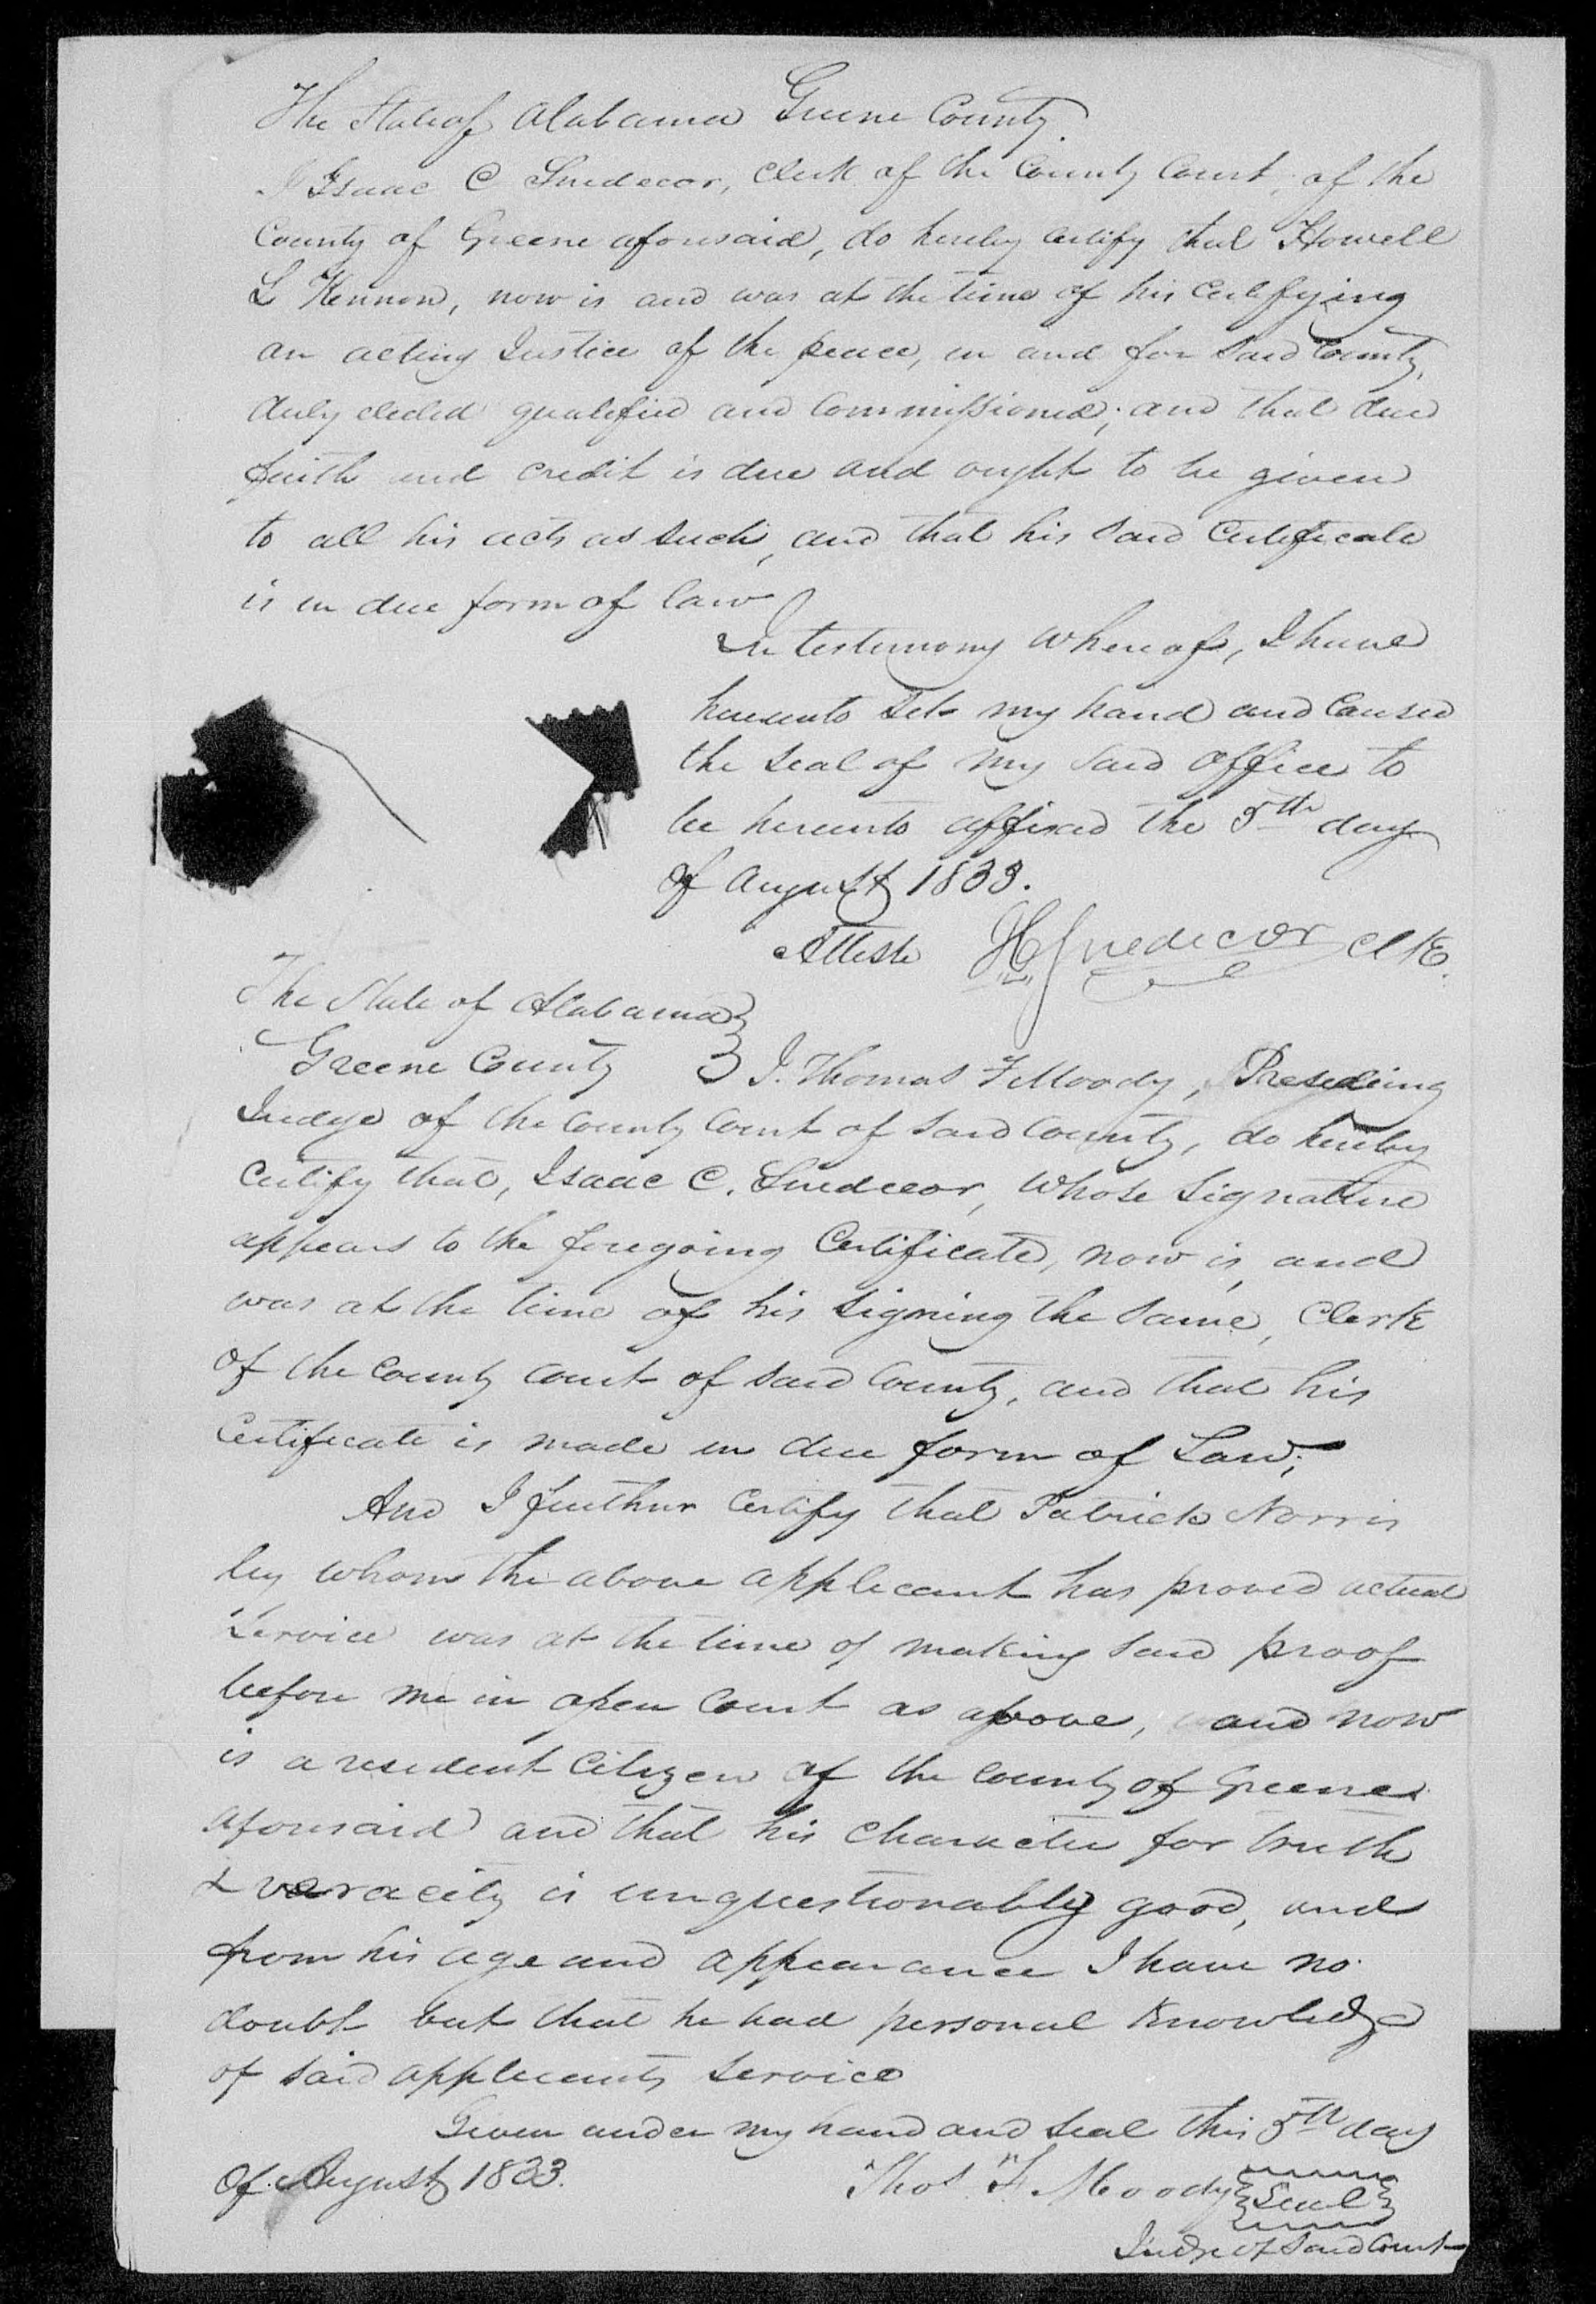The State of Alabama Greene County

I Isaac C Snedecor, Clerk of the County Court of the County of Greene aforesaid, do hereby certify that Howell L Kennon, now is and was at the time of his certifying an acting Justice of the peace, in and for said County, duly elected qualified and commissioned and that due
to faith and credit is due and ought to be given to all his acts as such and that his said Certificate is in due form of law.

In testimony whereof, I have hereunto set my hand and [illegible] the seal of my said Office to be hereunto affixed the 5th day of August 1833.

Attest I C Snedecor Clk

State of Alabama}
Greene County}

 I, Thomas F Moody, Presiding Judge of the County Court of said County, do hereby
certify that, Isaac C. Snedecor, under whose signature appears to the foregoing Certificate now is and was at the time of his signing the same, Clerk of the County Court of said County, and that his certificate is made in due form of Law.

And I further certify that Patrick Norris by whom the above applicant has proved actual
service was at the time of making said proof
before me in open Court as above, and now
is a resident citizen of the County of Greene
aforesaid and that his character for truth +
veracity is unquestionably good, and from his age and appearance I have no doubt but that he had personal knowledge of said applicants service

Given under my hand and seal this 5th day
of August 1833.

Thos F Moody [the word seal is circled]
Judge of said Court

[partial image of a seal, left side of document]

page: 36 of 45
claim: survivor's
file: S. 13,890, for James Mc Carter, South Carolina